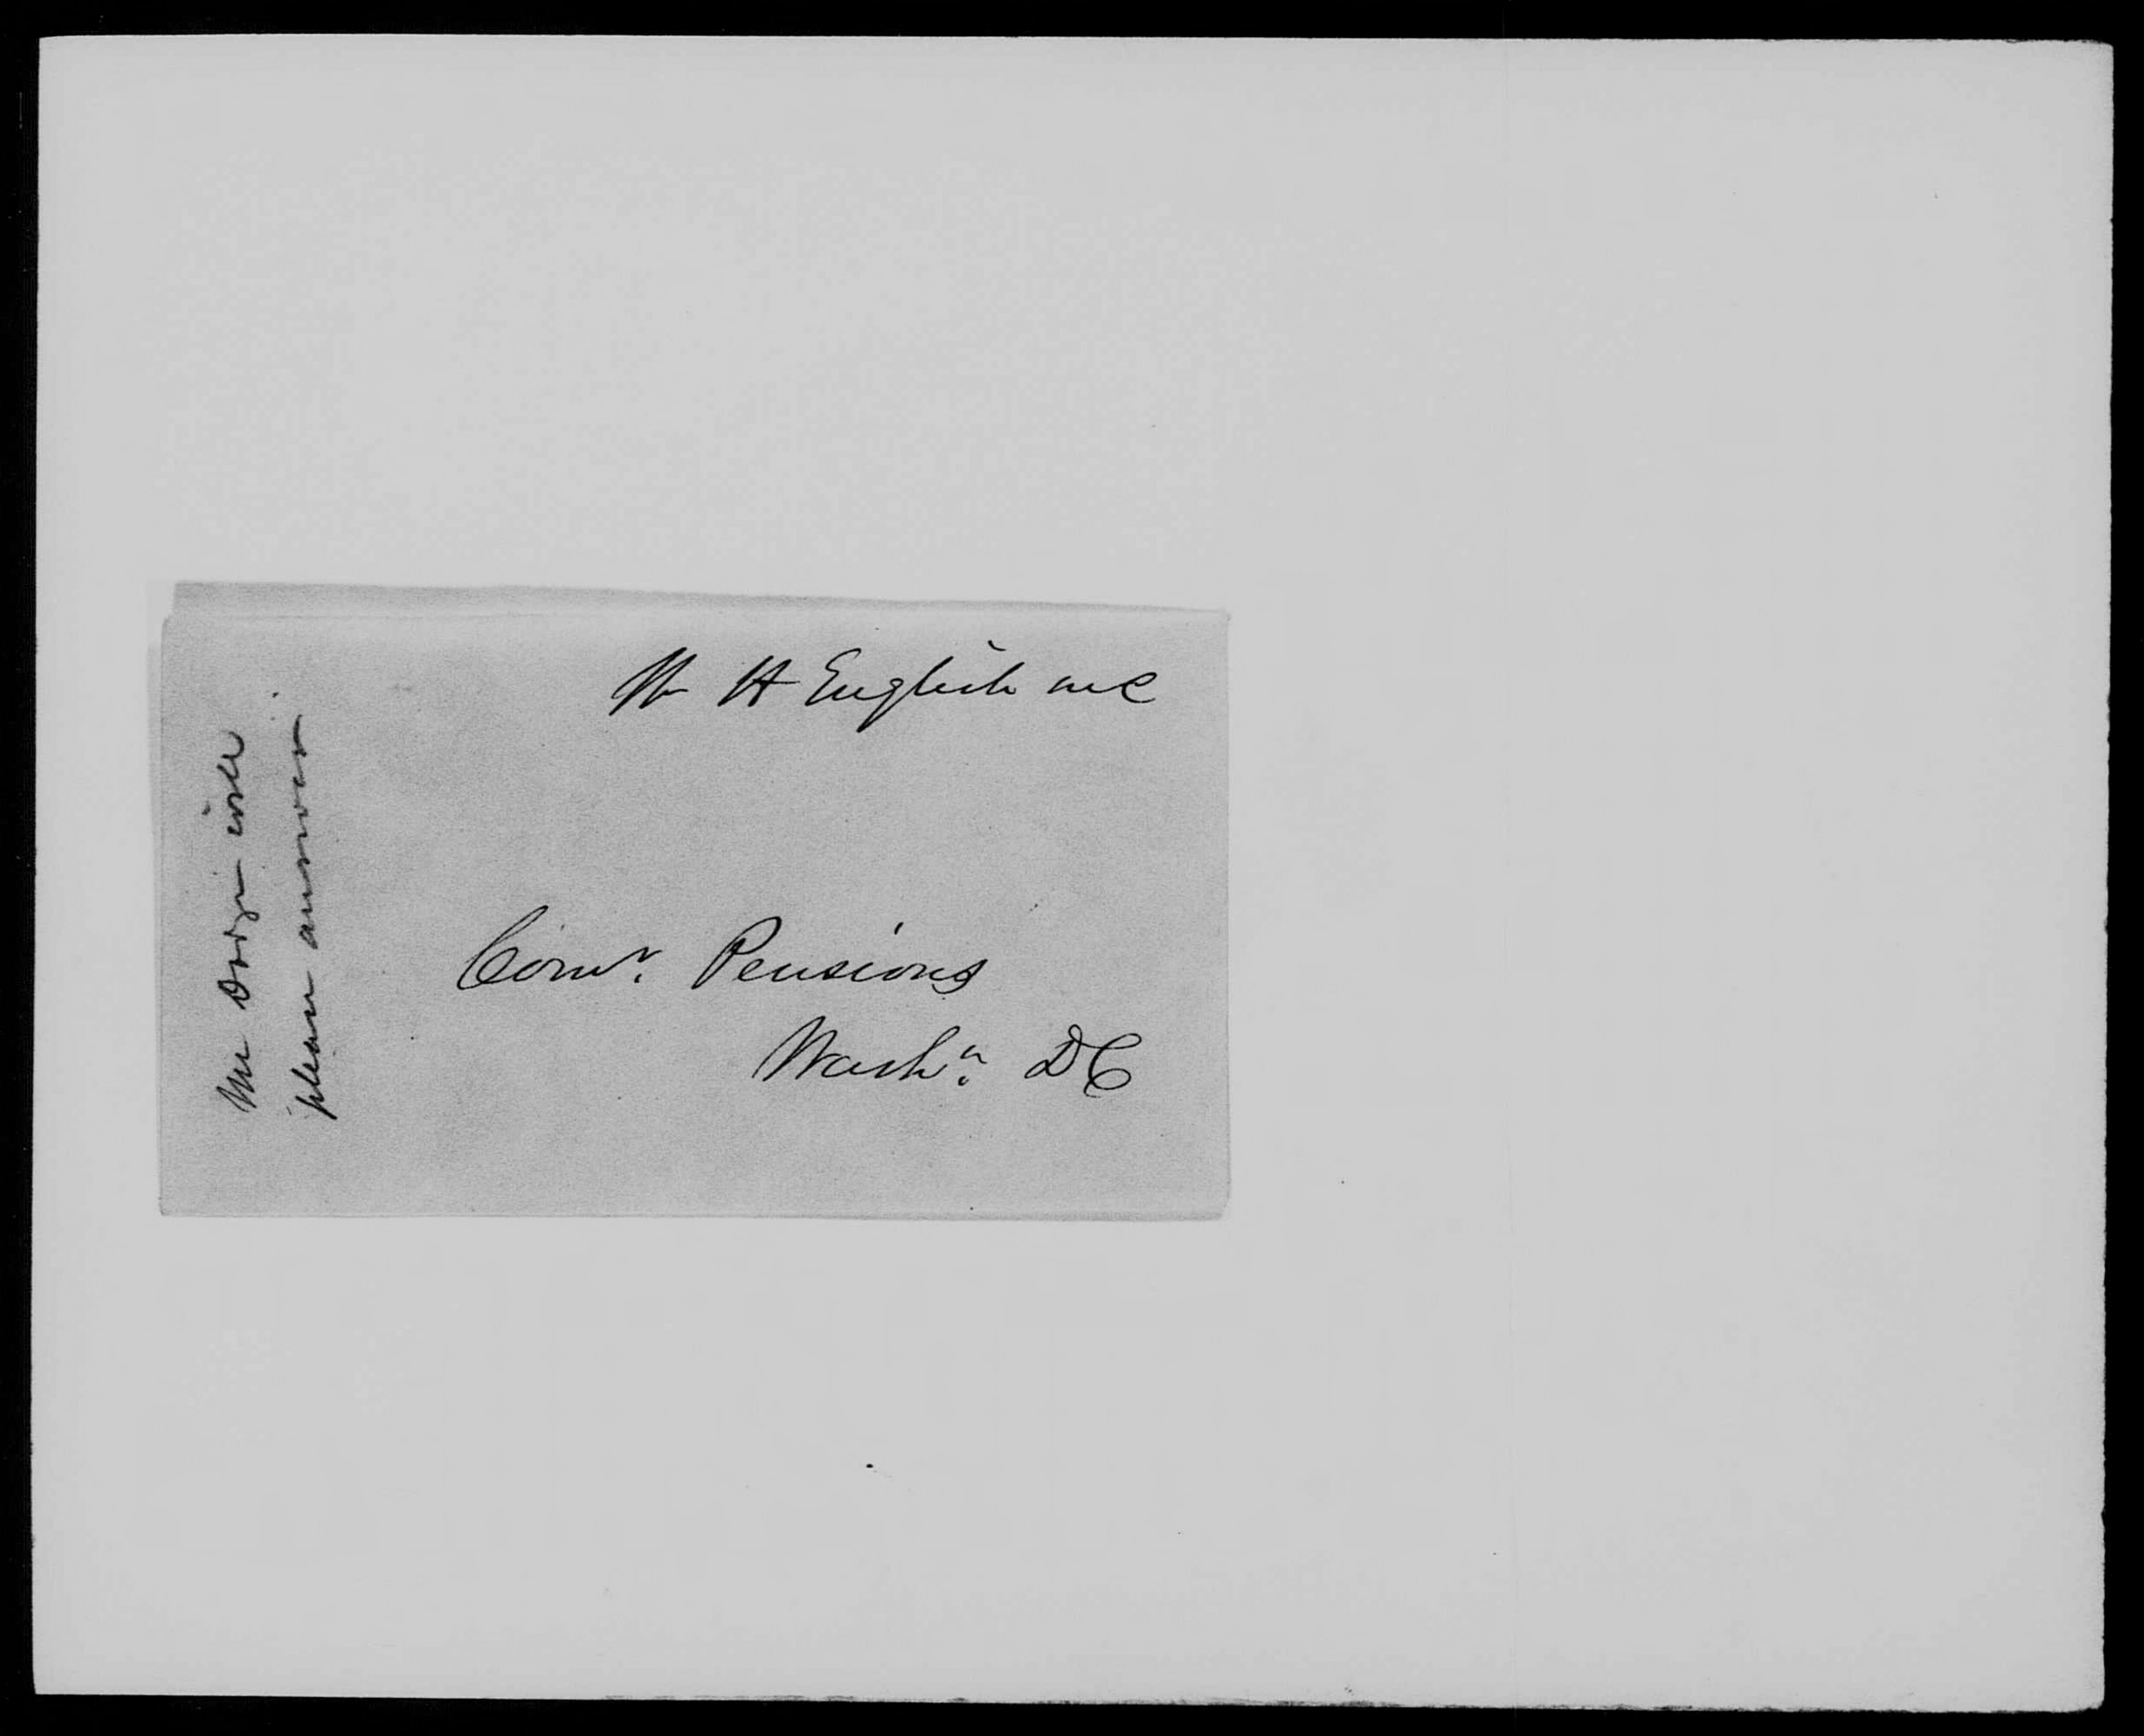W H English inc
Comr Pensions
Wash'n DC
Mr Dodge will please answer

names: W H English, Dodge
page: 26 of 84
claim: widow's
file: W. 7744, Daniel Hickey, Penn.